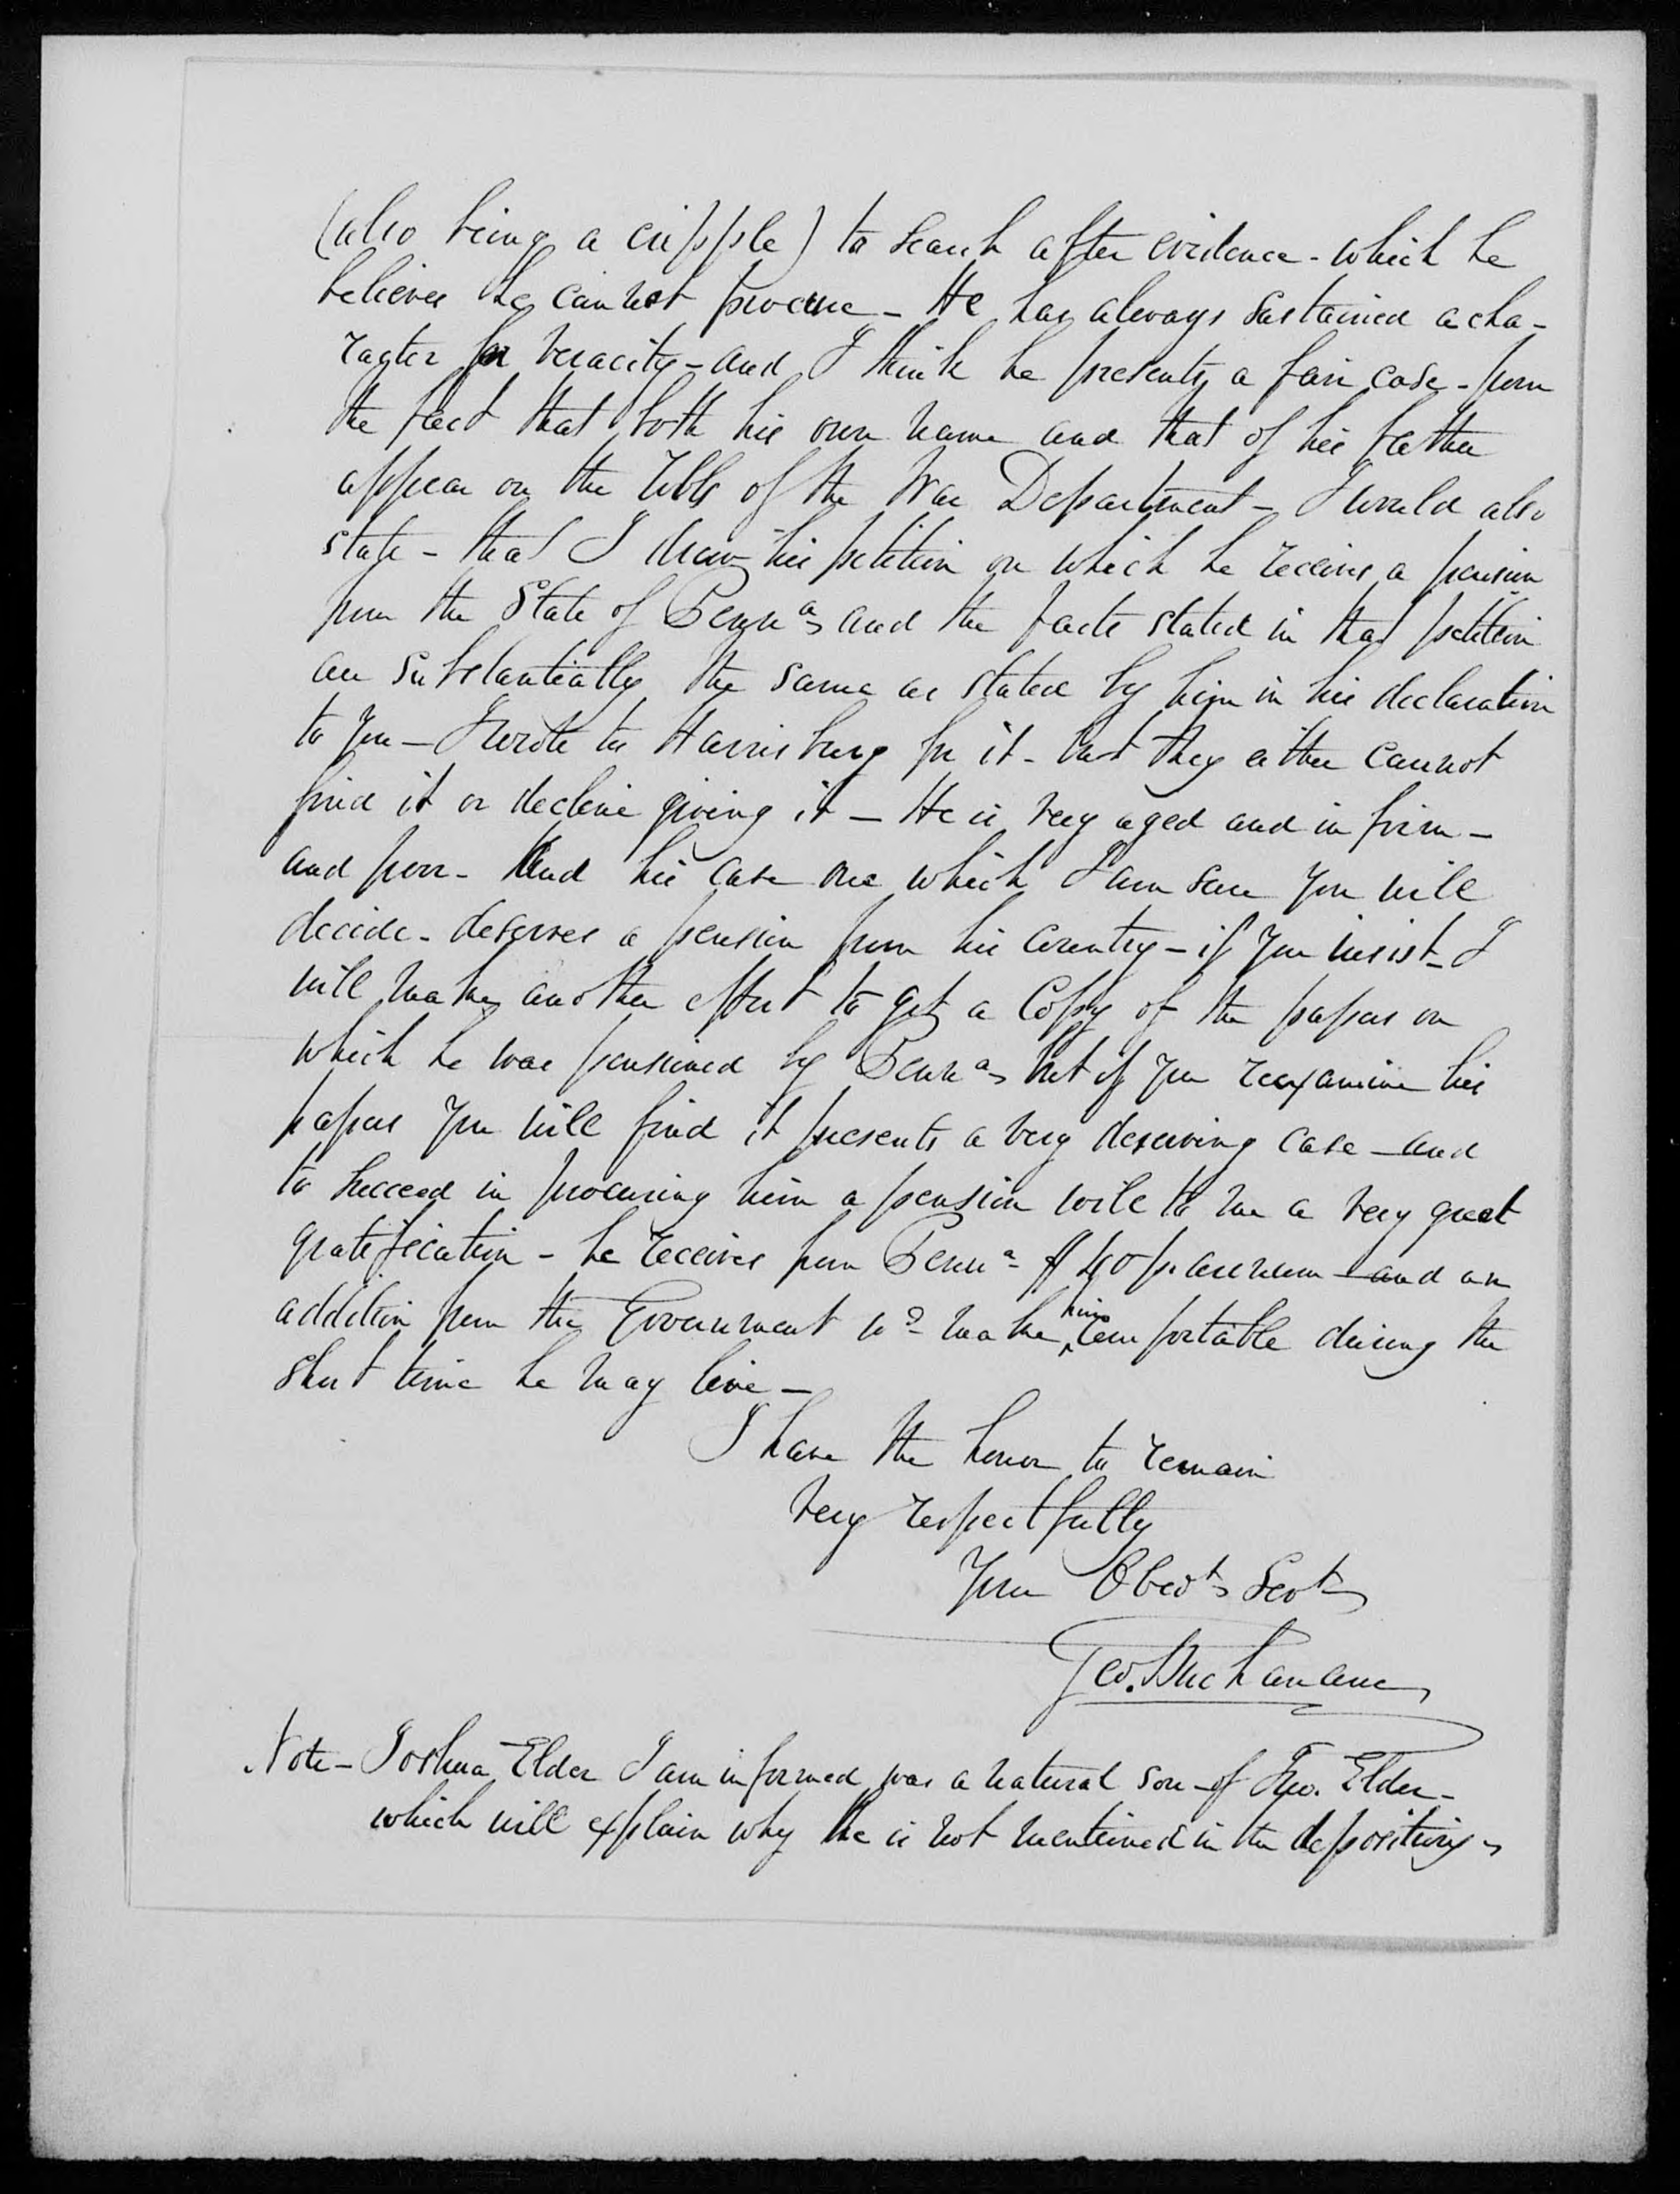(who being a cripple) to [illegible] after evidence - which he believes he can best procure - He has always sustained a character for veracity - and I think he presents a fair case - from the fact that both his own name and that of his father appear on the [illegible] of the War Department - I would also state - that I have his petition on which he receives a pension from the State of Penna and the facts stated in that petition
are substantially the same as stated by him in his declaration to [illegible] - Wrote to Harrisburg for it , but they either cannot find it or decline giving it - He is very aged and infirm - and far - and his case one which I am sure you will decide - deserves a pension from his country - if you insist I will make another effort to get a copy of the papers in which he was [illegible] by [illegible] a - [illegible] if you reexamine his [illegible] you will find it presents a very deserving case and to proceed in procuring him a pension will to [illegible] a very great gratification - he receives from Penn a $40 [illegible] and an addition from the Government to [illegible] he is comfortable during the
short time he may live-
I have the honor to remain
very respectfully
Your Obedt Sevt
Geo. Buchanan
Note- Joshua Elder I am informed was a natural son of Geo. Elder which will explain why he is not mentioned in the deposition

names: Jno Elder, Geo Buchanane, Joshua Elder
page: 73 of 80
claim: widow's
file: W. 24117, John Elder, Penn.